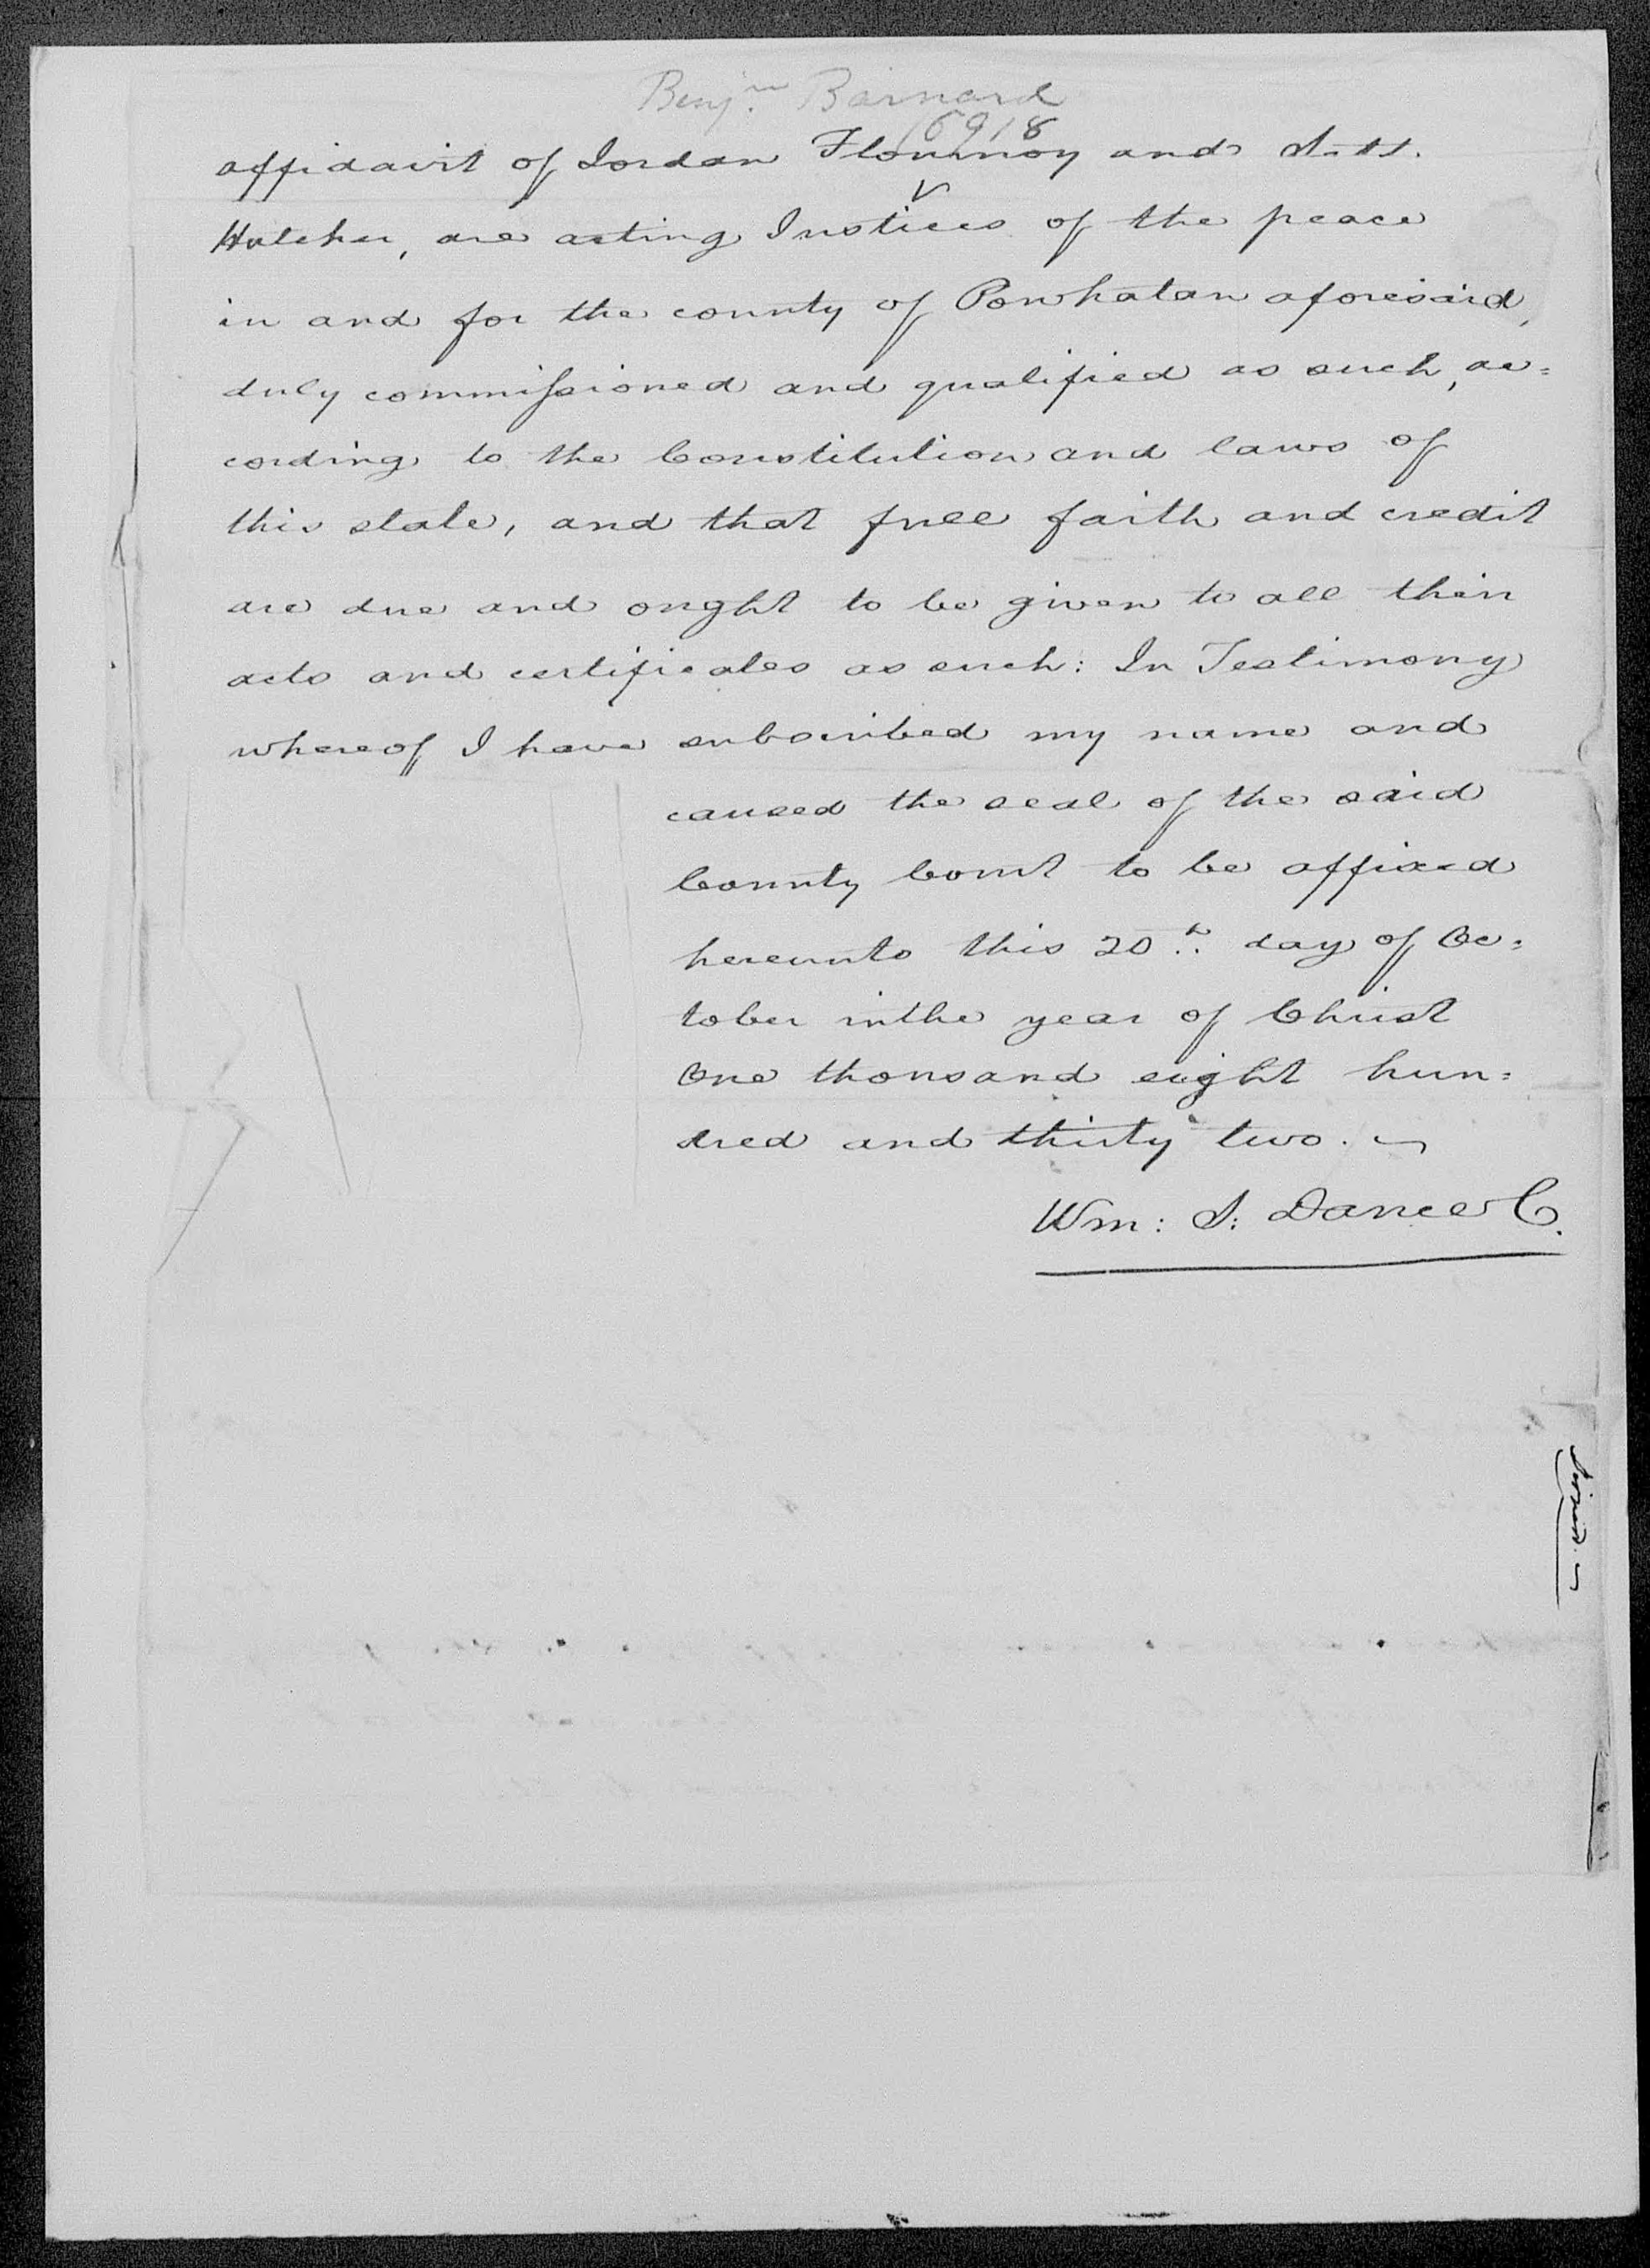affidavit of Jordan Flournoy and Seth Hatcher, are acting Justice of the Peace in and for that county of Powhatan aforesaid, duly commissioned and qualified so as such according to the Constitution and Laws of this state, and that free faith and credit are due and ought to be given to all the acts and certificates as such.  In Testimony whereas I have subscribed my names and caused the seal of the said County court to be affixed hereunto this 20th day of October in the year of Christ, one thousand eight hundred and thirty two.
       Wm. S. Dance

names: Wm S Dance, Benjn Barnard, Seth Hatcher, Jordan Flournoy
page: 16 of 18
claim: survivor's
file: S. 9096, Benjamin Barnard, Va.